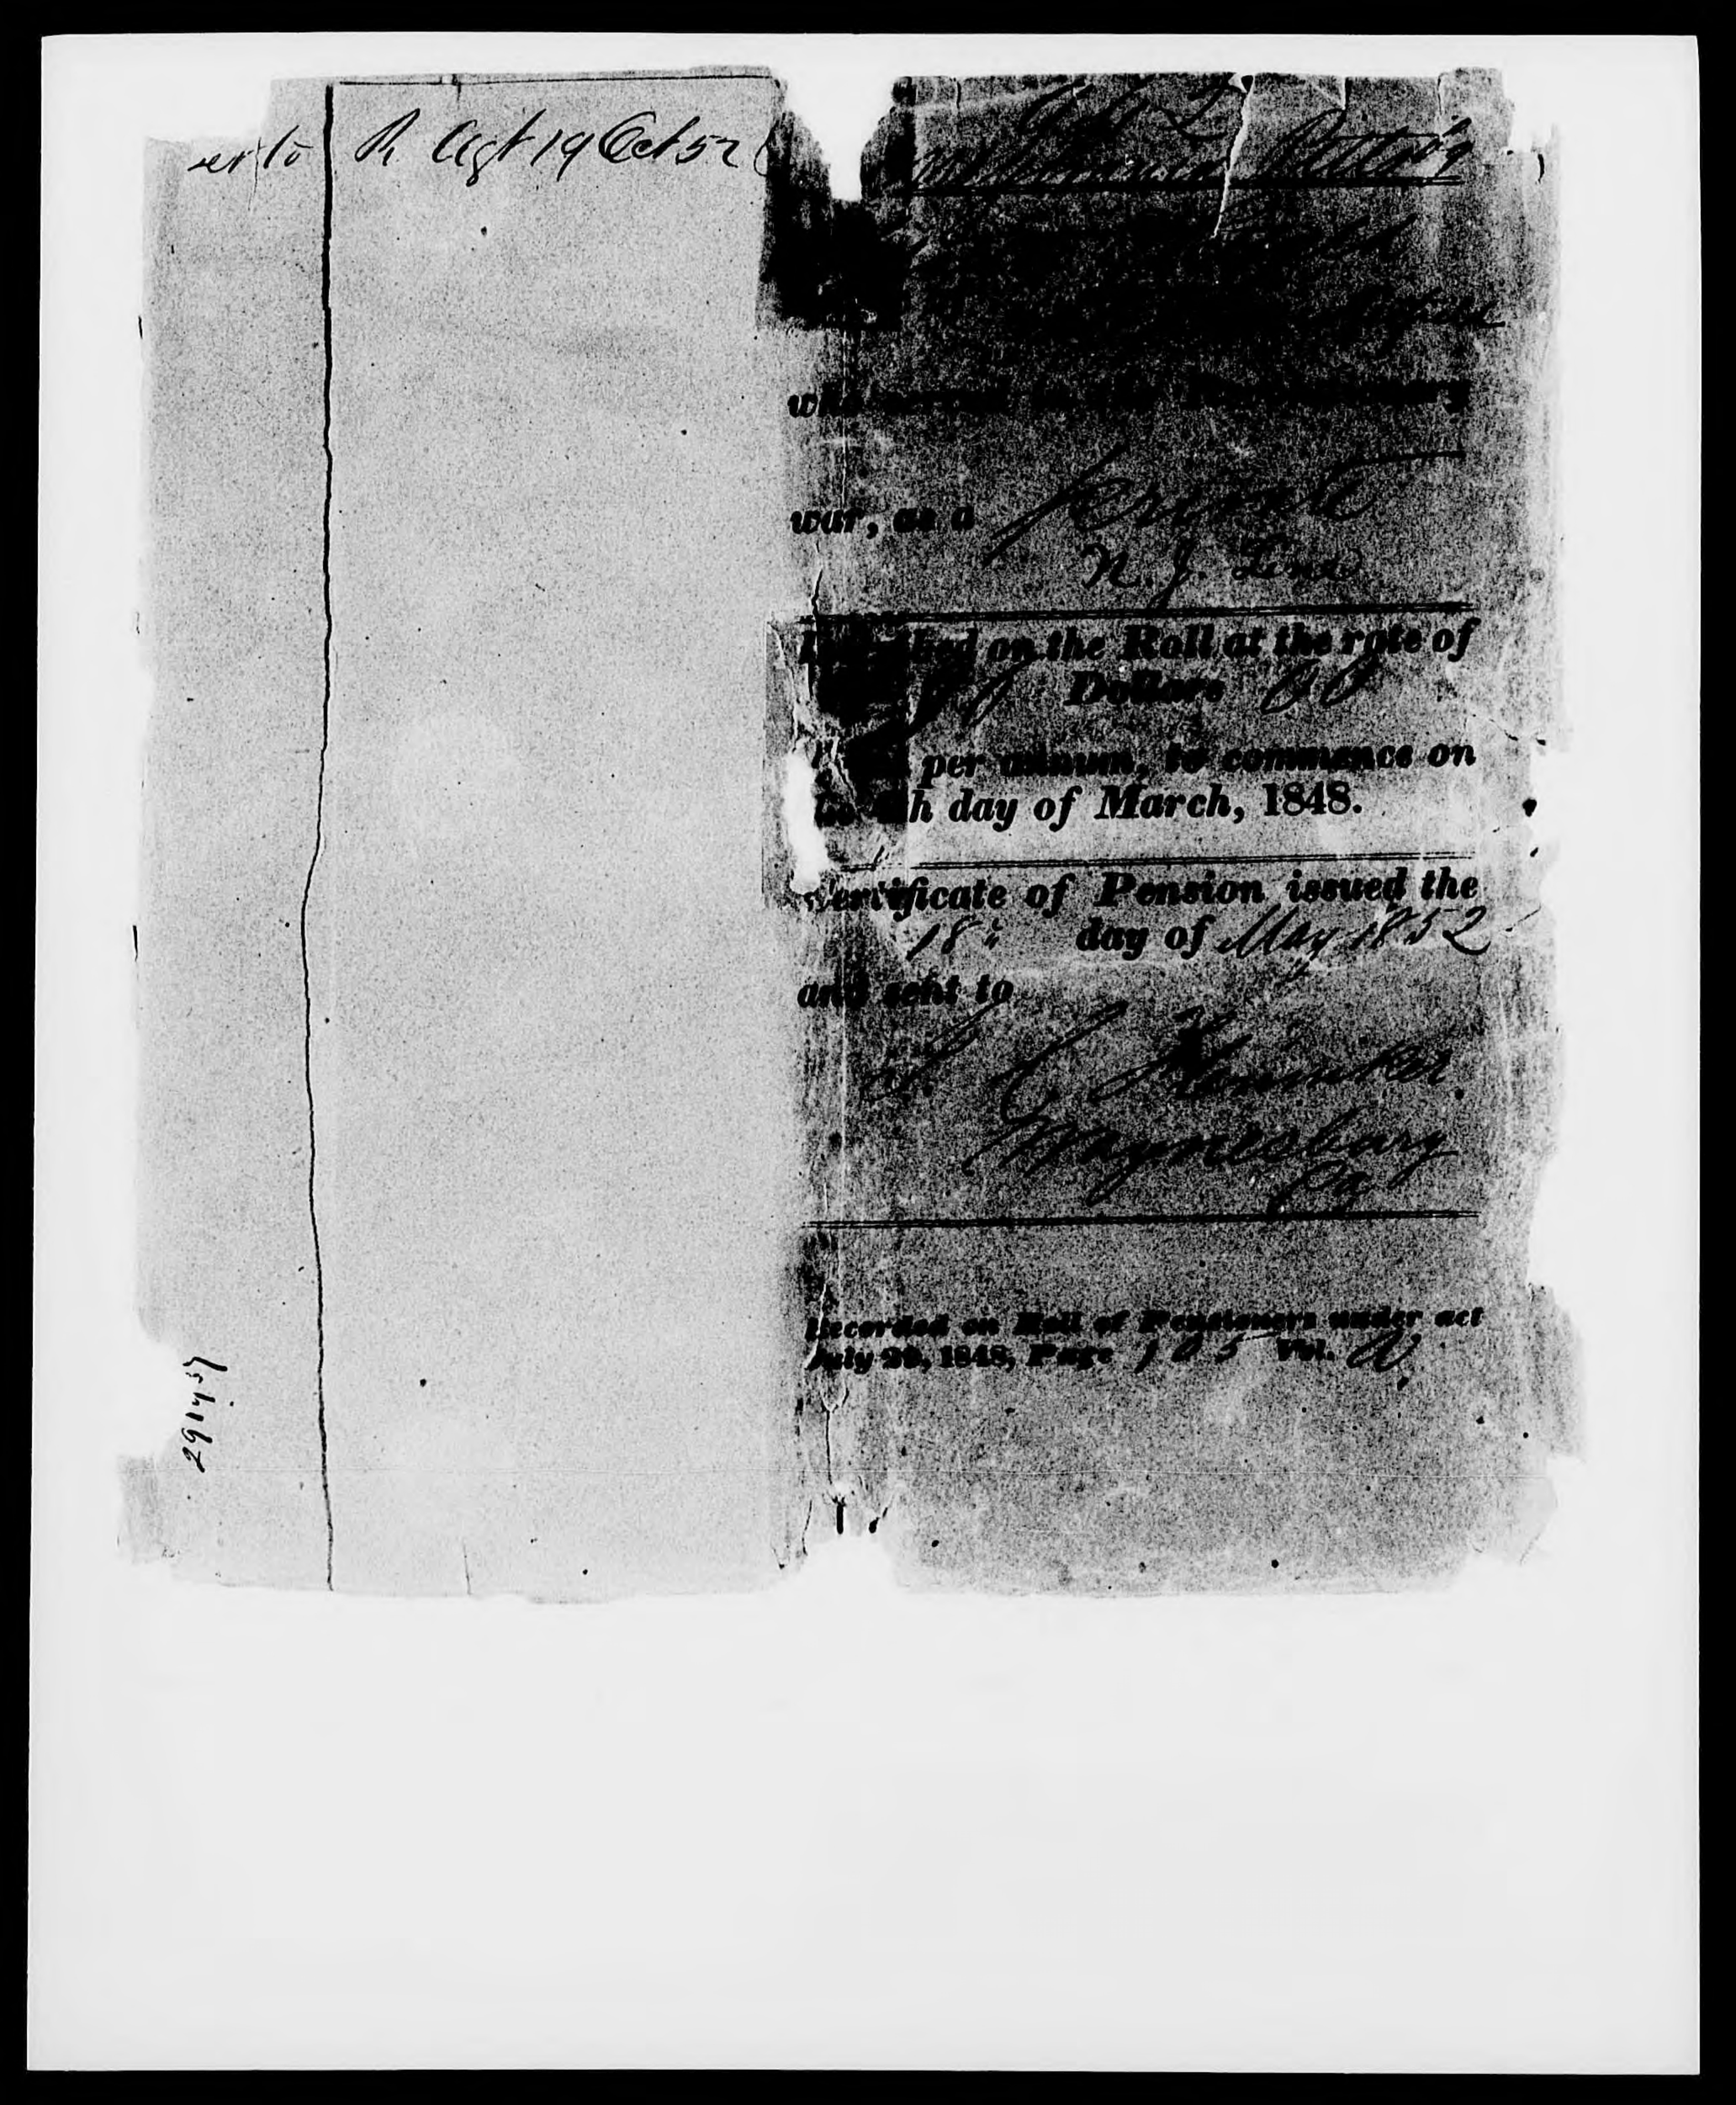[Left side of page. The rest of the left side is missing.]

er[??] P. Agt 19 Oct 52

[The following is a transcription of the right side of the page. It is a mixture of printed and handwritten text.]

as a Private
N. J.  Line
[illegible] on the Roll at the rate of 
[illegible] Dollars

[illegible] per annum, to commence on
[illegible] day of March, 1848.

Certificate of Pension issued the
18th day of May 1852
and [illegible] to

J. C. Flenniken
Waynesburg
Pa

Recorded in Roll of Pensioners under act
July 29, 1848, Page 105 [illegible] A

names: J C Flenniker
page: 3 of 45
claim: widow's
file: W. 2734, Stephen Hetfield, New Jersey